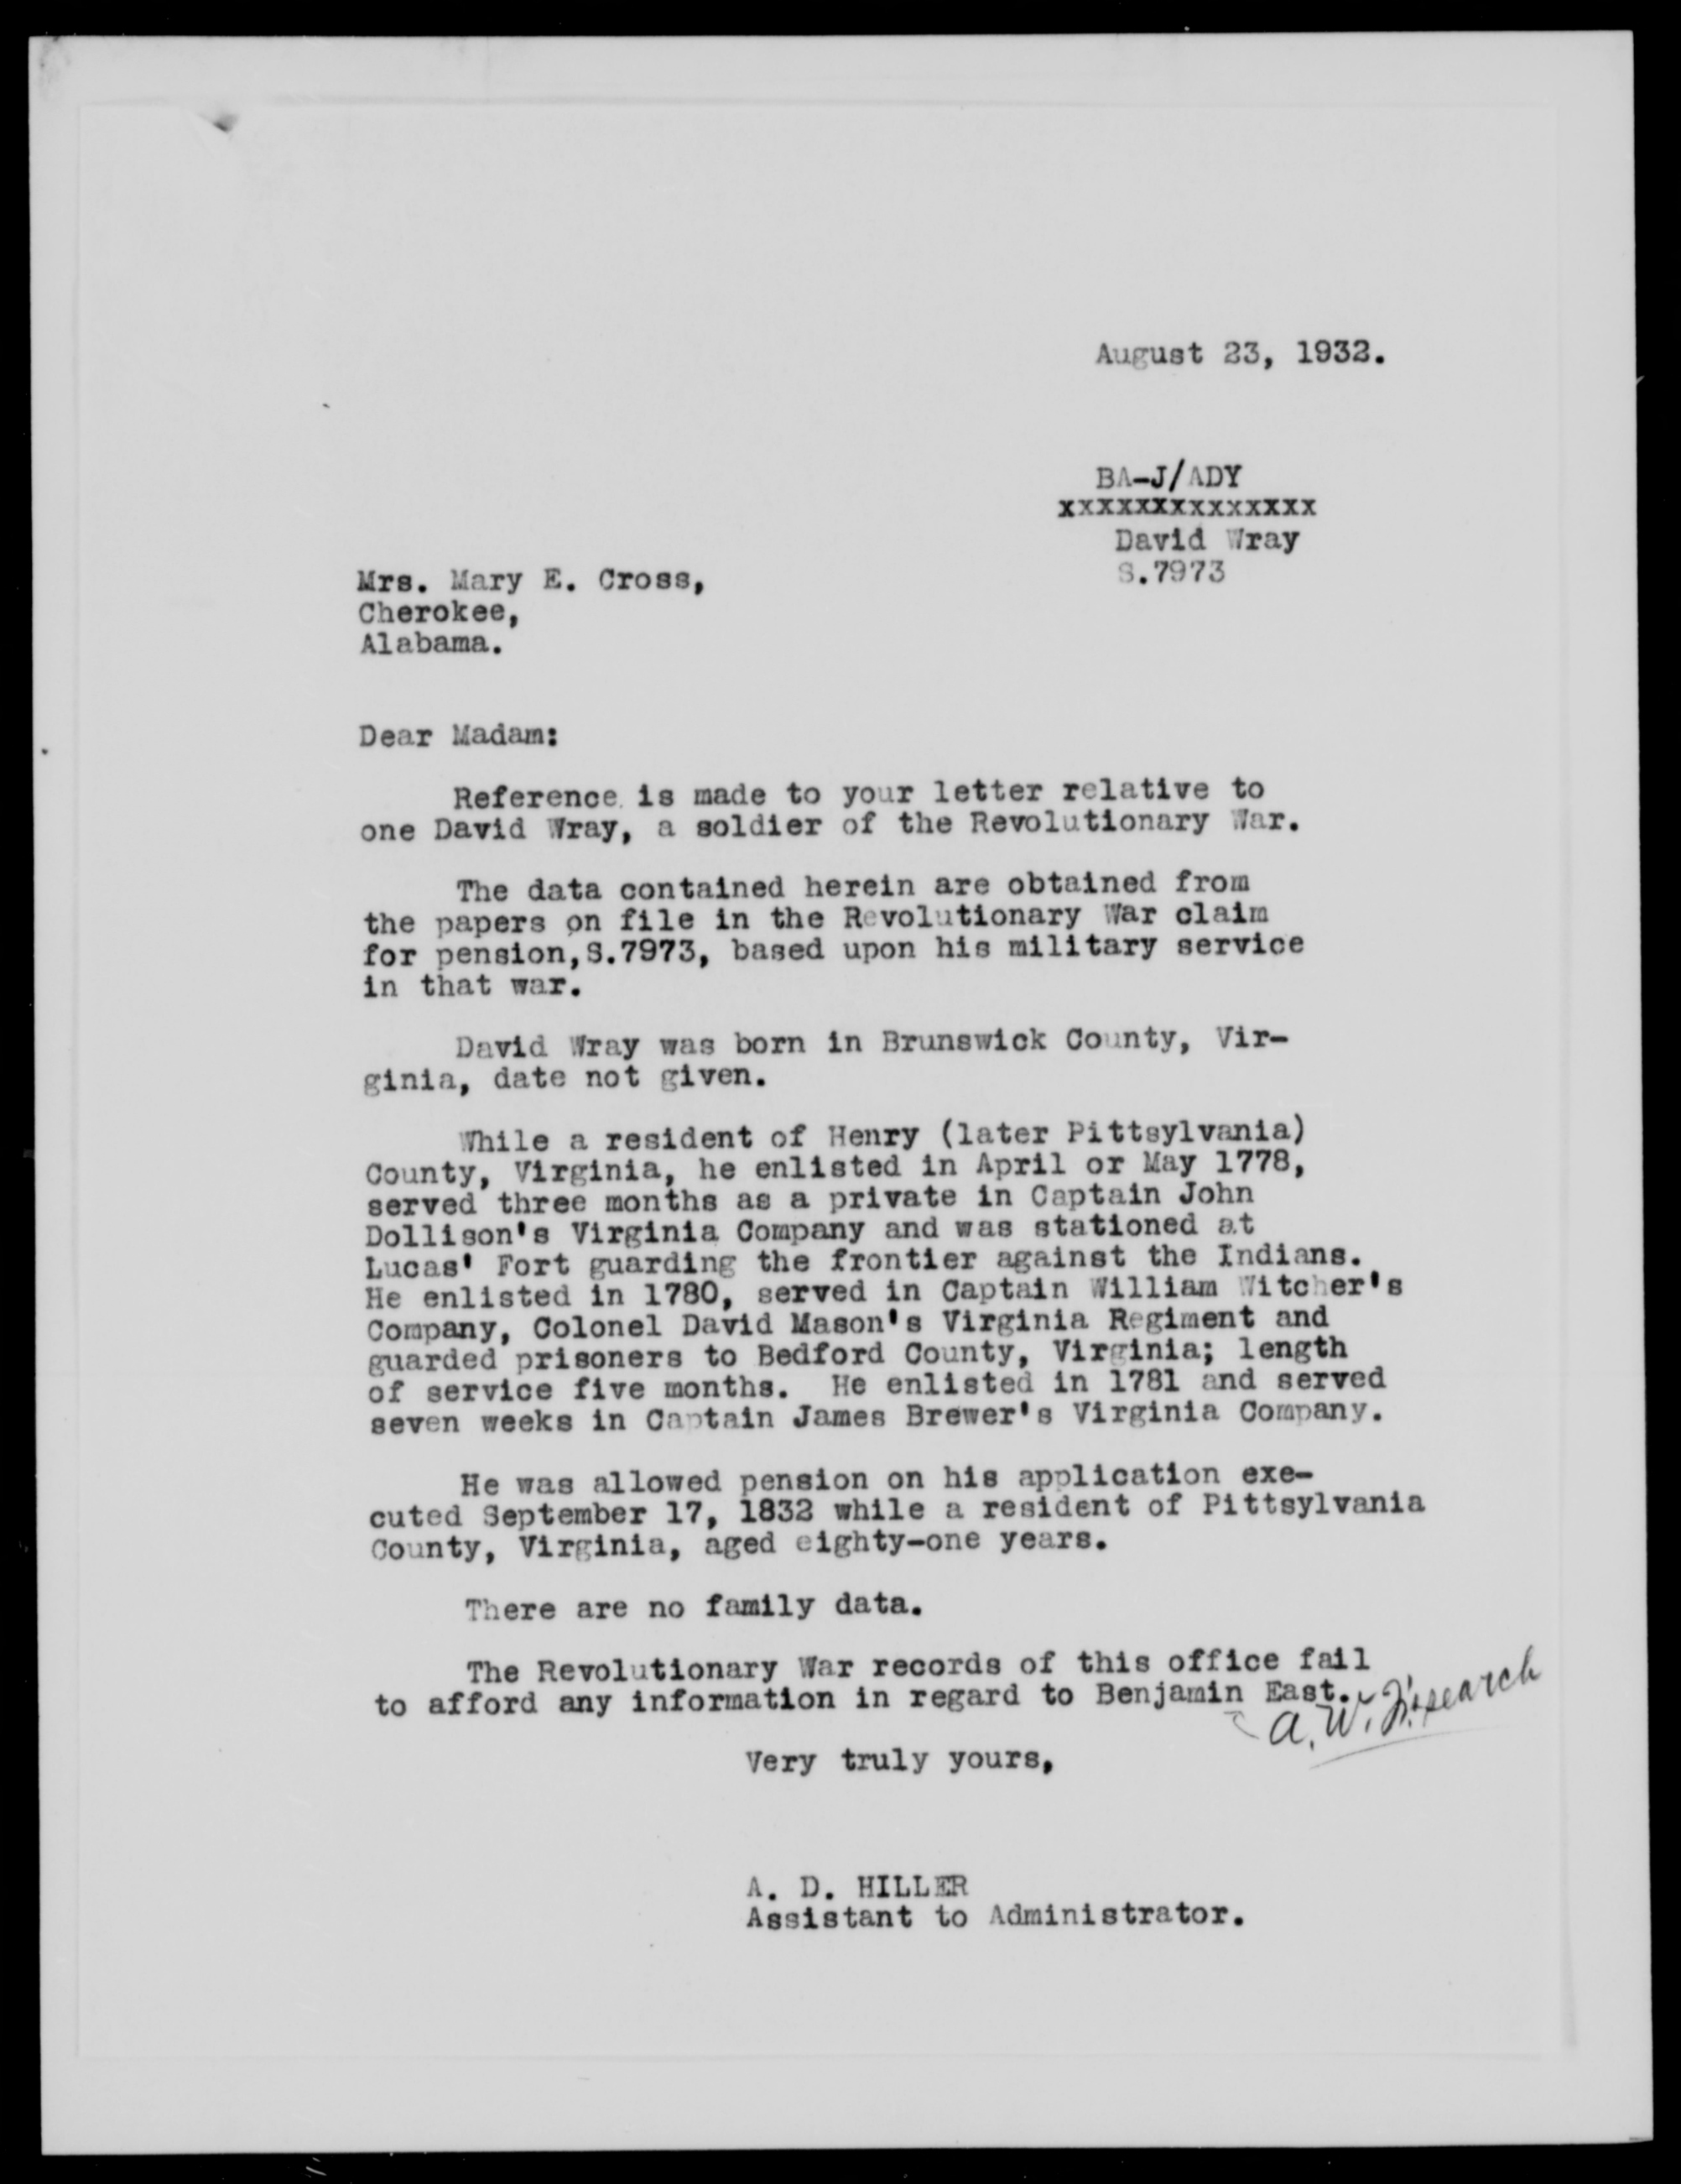August 23, 1932.

BA-J/ADY
xxxxxxxxxx
David Wray
S.7973

Mrs Mary E Cross,
Cherokee,
Alabama.

Dear Madam:
     Reference is made to your letter relative to
one David Wray, a soldier of the Revolutionary War.
     The data contained herein are obtained from
the papers on file in the Revolutionary War claim
for pension, S.7973, based upon his military service in that war.
     David Wray was born in Brunswick County, Vir-
ginia, date not given.
     While a resident of Henry (later Pittsylvania)
County, Virginia, he enlisted in April or May 1778,
served three months as a private in Captain John
Dollison's Virginia Company and was stationed at
Lucas' Fort guarding the frontier against the Indians.
He enlisted in 1780, served in Captain William Witcher's
Company, Colonel David Mason's Virginia Regiment and
guarded prisoners to Bedford County, Virginia; length
of service five months.  He enlisted in 1781 and served
seven weeks in Captain James Brewer's Virginia Company.
     He was allowed pension on his application exe-
cuted September 17, 1832 while a resident of Pittsylvania
County, Virginia, aged eighty-one years.
     There are no family data.
     The Revolutionary War records of this office fail
to afford any information in regard to Benjamin East.
                                                                               A.W.J's. search
        Very truly yours,
          A.D. Hiller
Assistant to Administrator.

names: A D Hiller, David Wray, Mary E Cross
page: 8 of 19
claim: survivor's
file: S. 7,973, David Wray, Va.